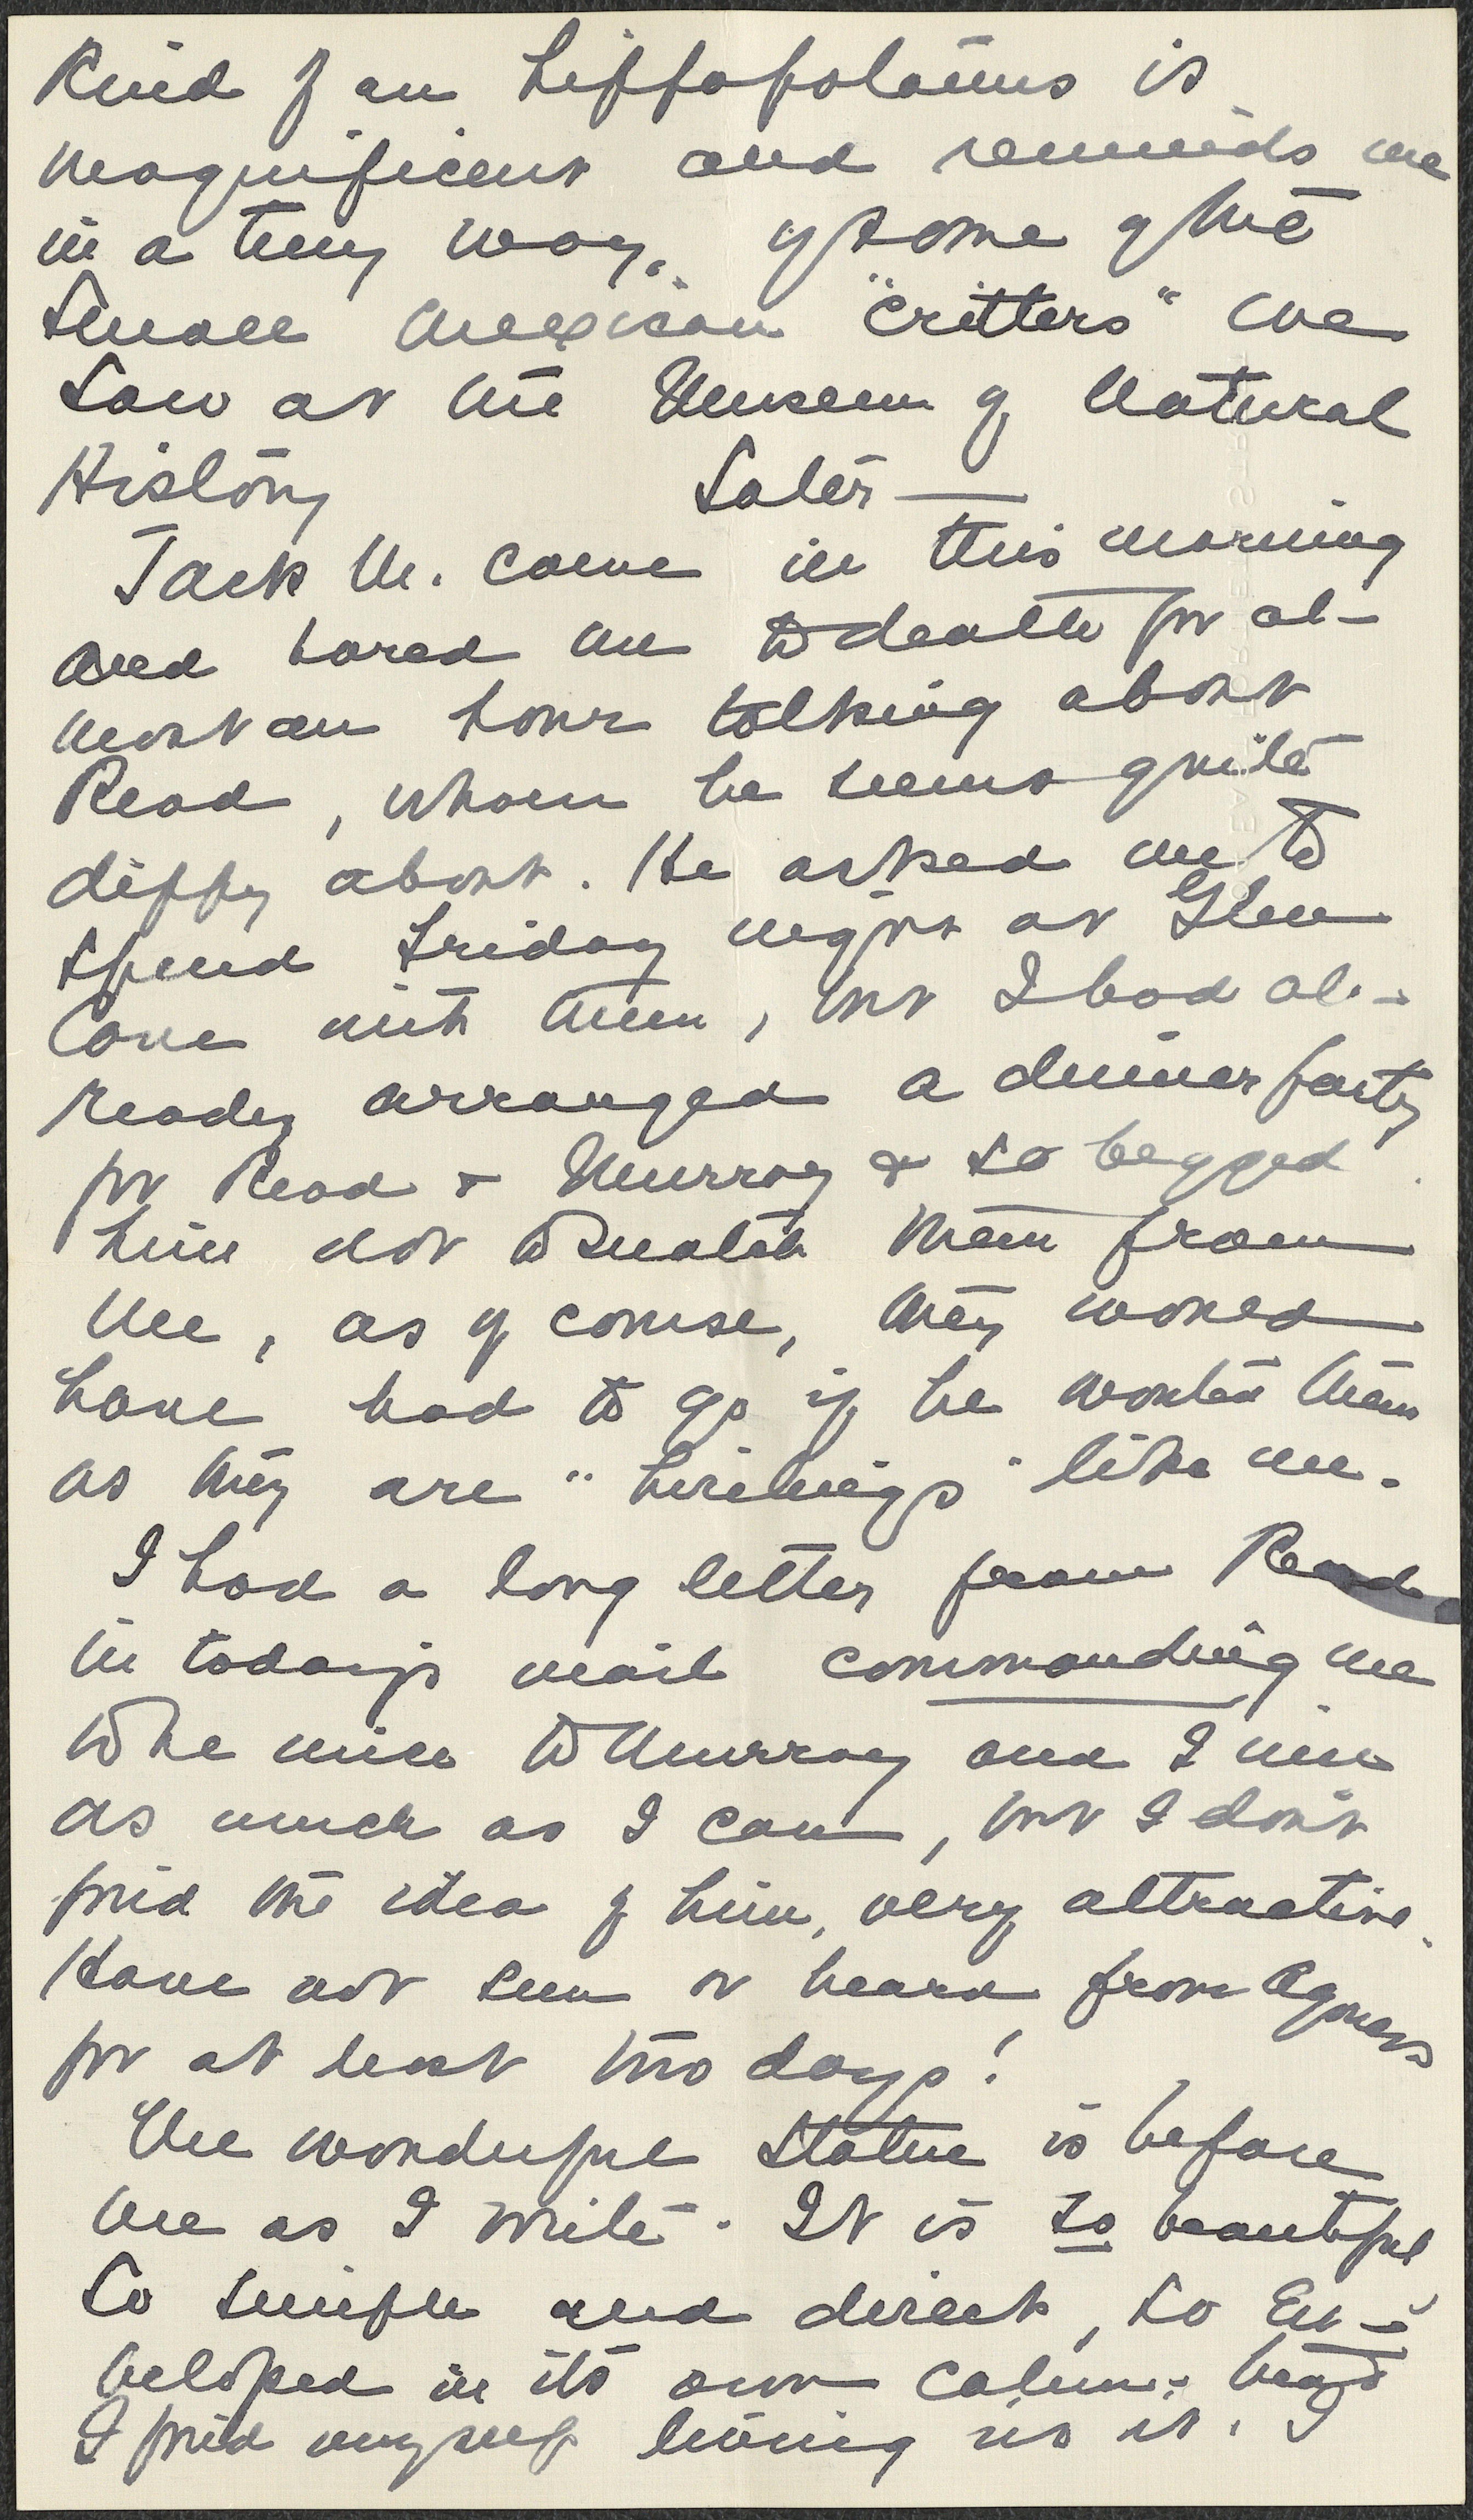kind of an hippopotamus is magnificent and reminds me in a tiny way, of some of the small Mexican "critters" we saw at the Museum of Natural History
Later –
Jack M. came in this morning and bored me to death for almost an hour talking about Read, whom he seems quite dippy about. He asked me to spend Friday night at Glen Cove with them, but I had already arranged a dinner party for Read & Murray & so begged him not to snatch them from me, as of course, they would have had to go if he wanted them as they are "hirelings" like me.
I had a long letter from Read in today's mail commanding me to be nice to Murray and I will as much as I can, but I don't find the idea of him, very attractive. Have not seen or heard from Agoness for at least two days!
The wonderful statue is before me as I write. It is so beautiful, So simple and direct, so enveloped in its own calm – that I find myself living in it. I